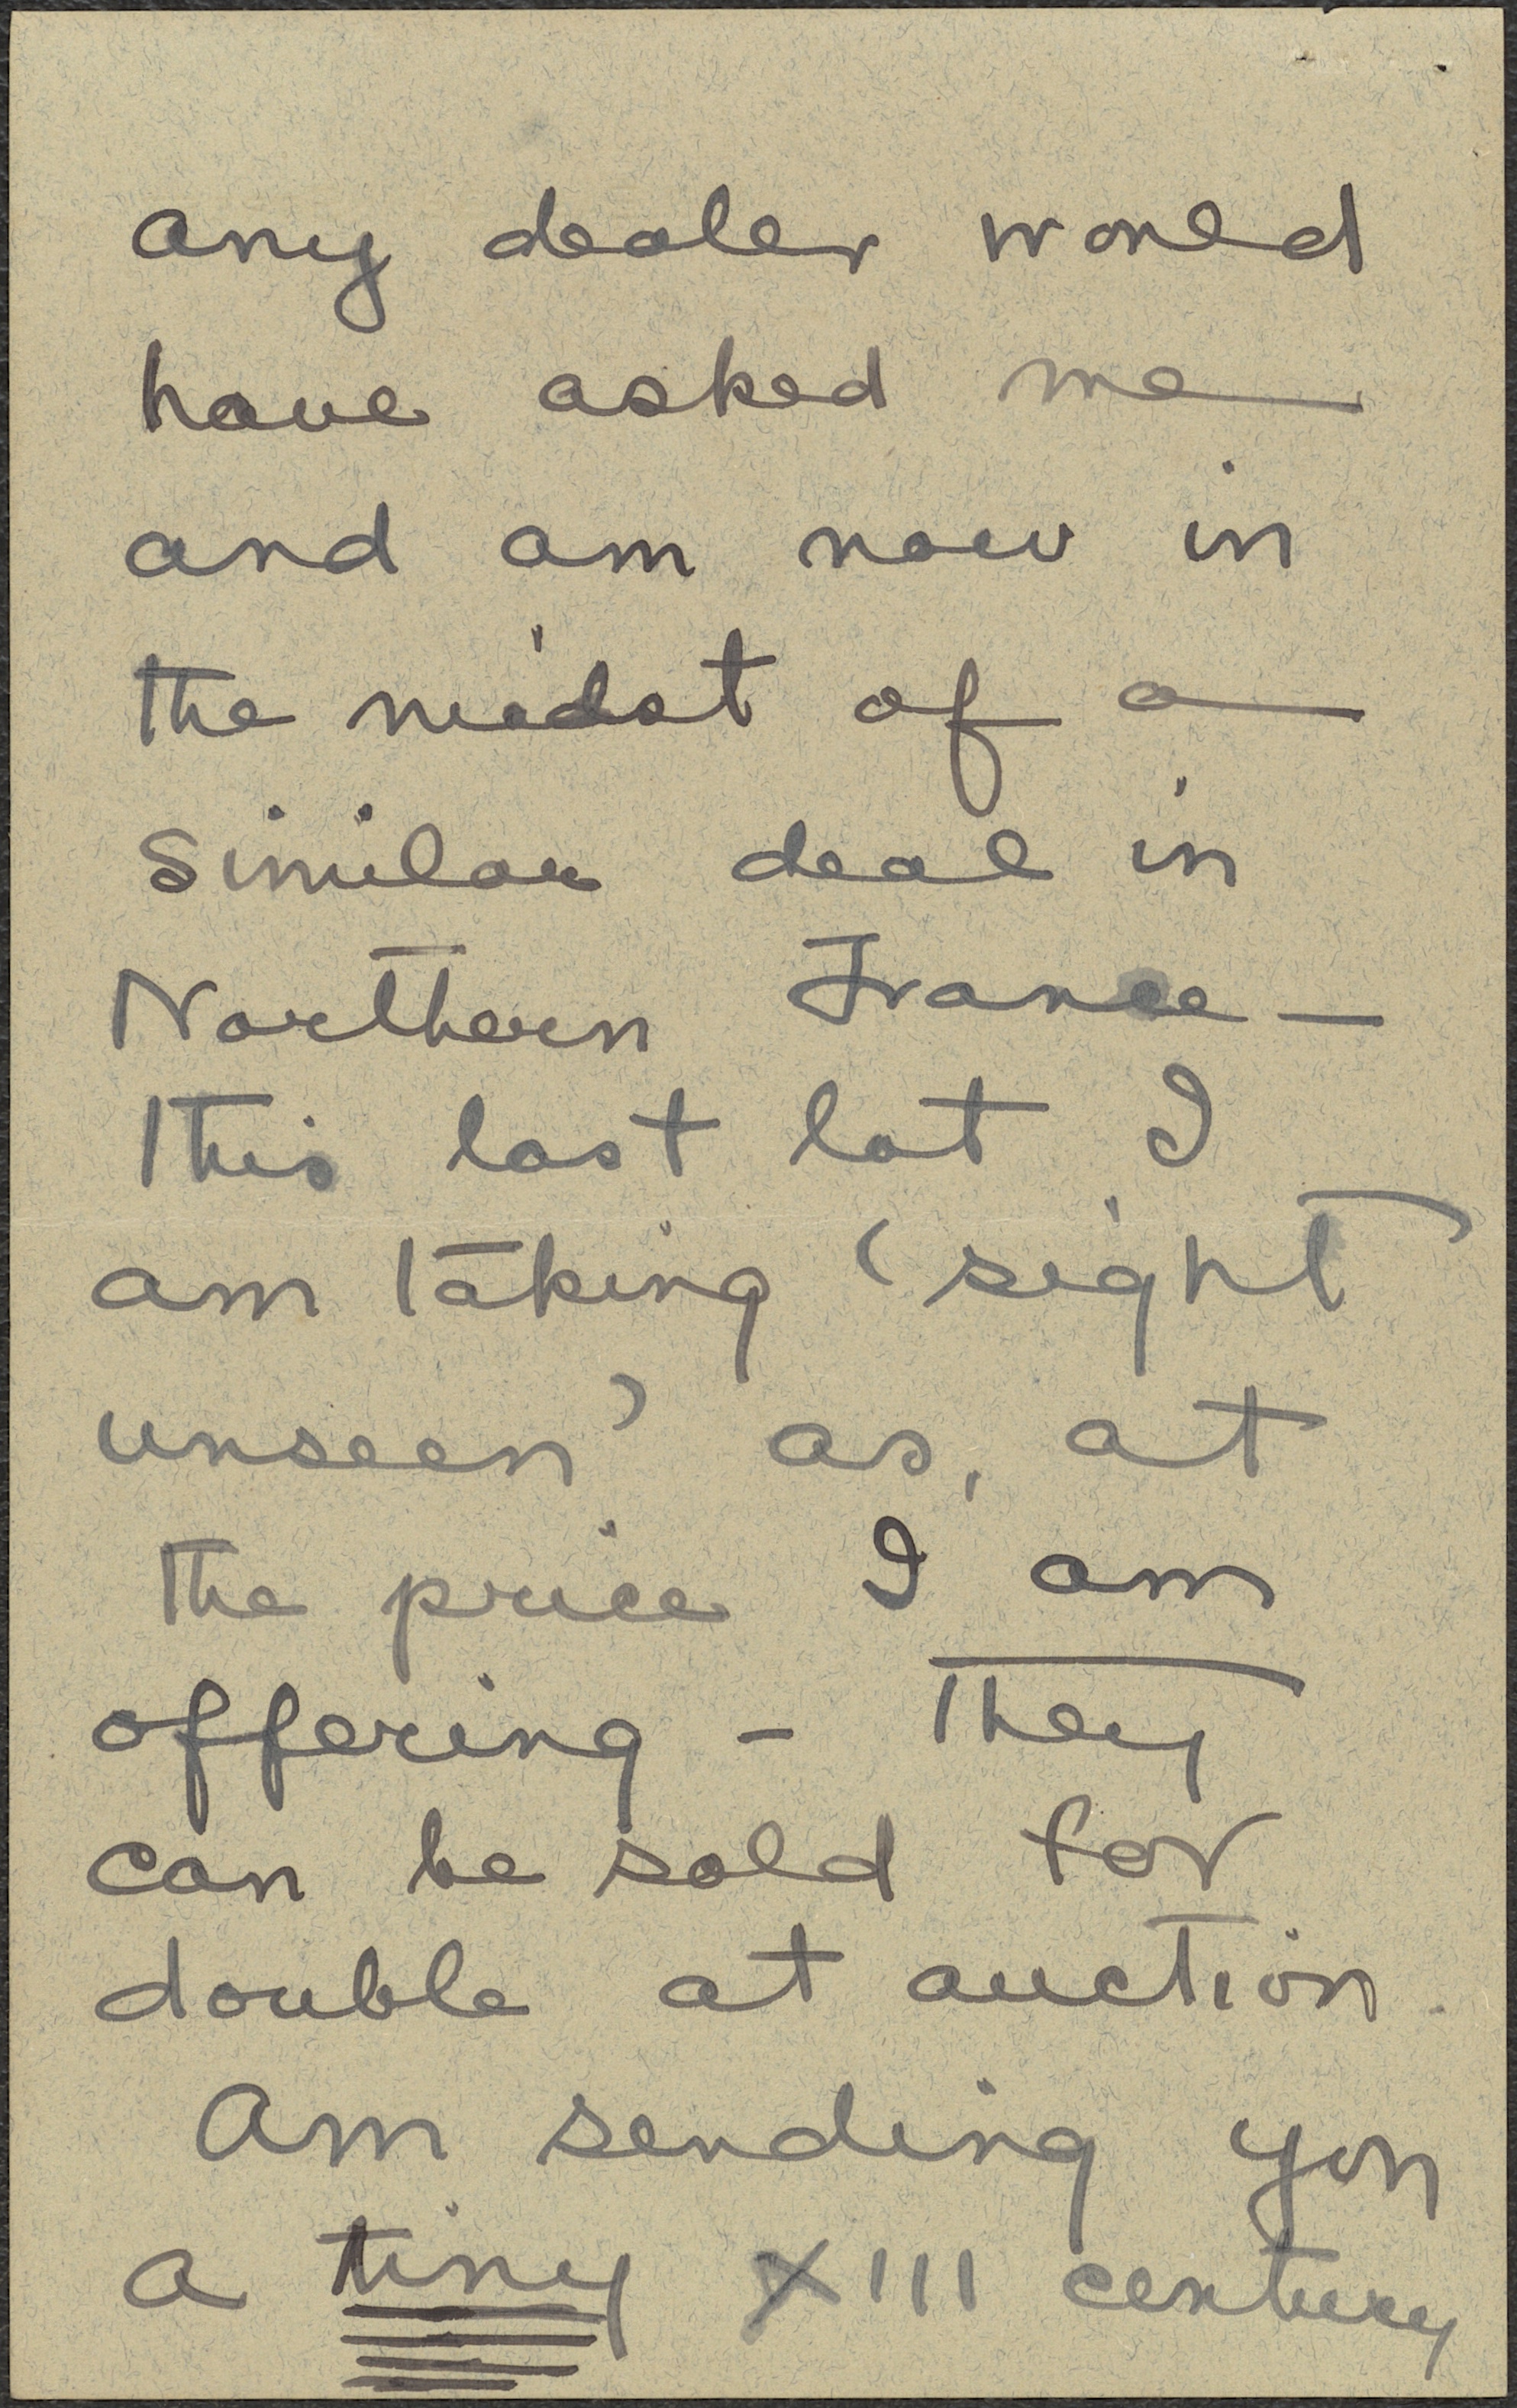any dealer would have asked me and am now in the midst of a similar deal in Northern France – this last lot I am taking ‘sight unseen’ as, at the price I am offering – they can be sold for double at auction.
Am sending you a [Note: quadruple underlined: tiny] XIII century